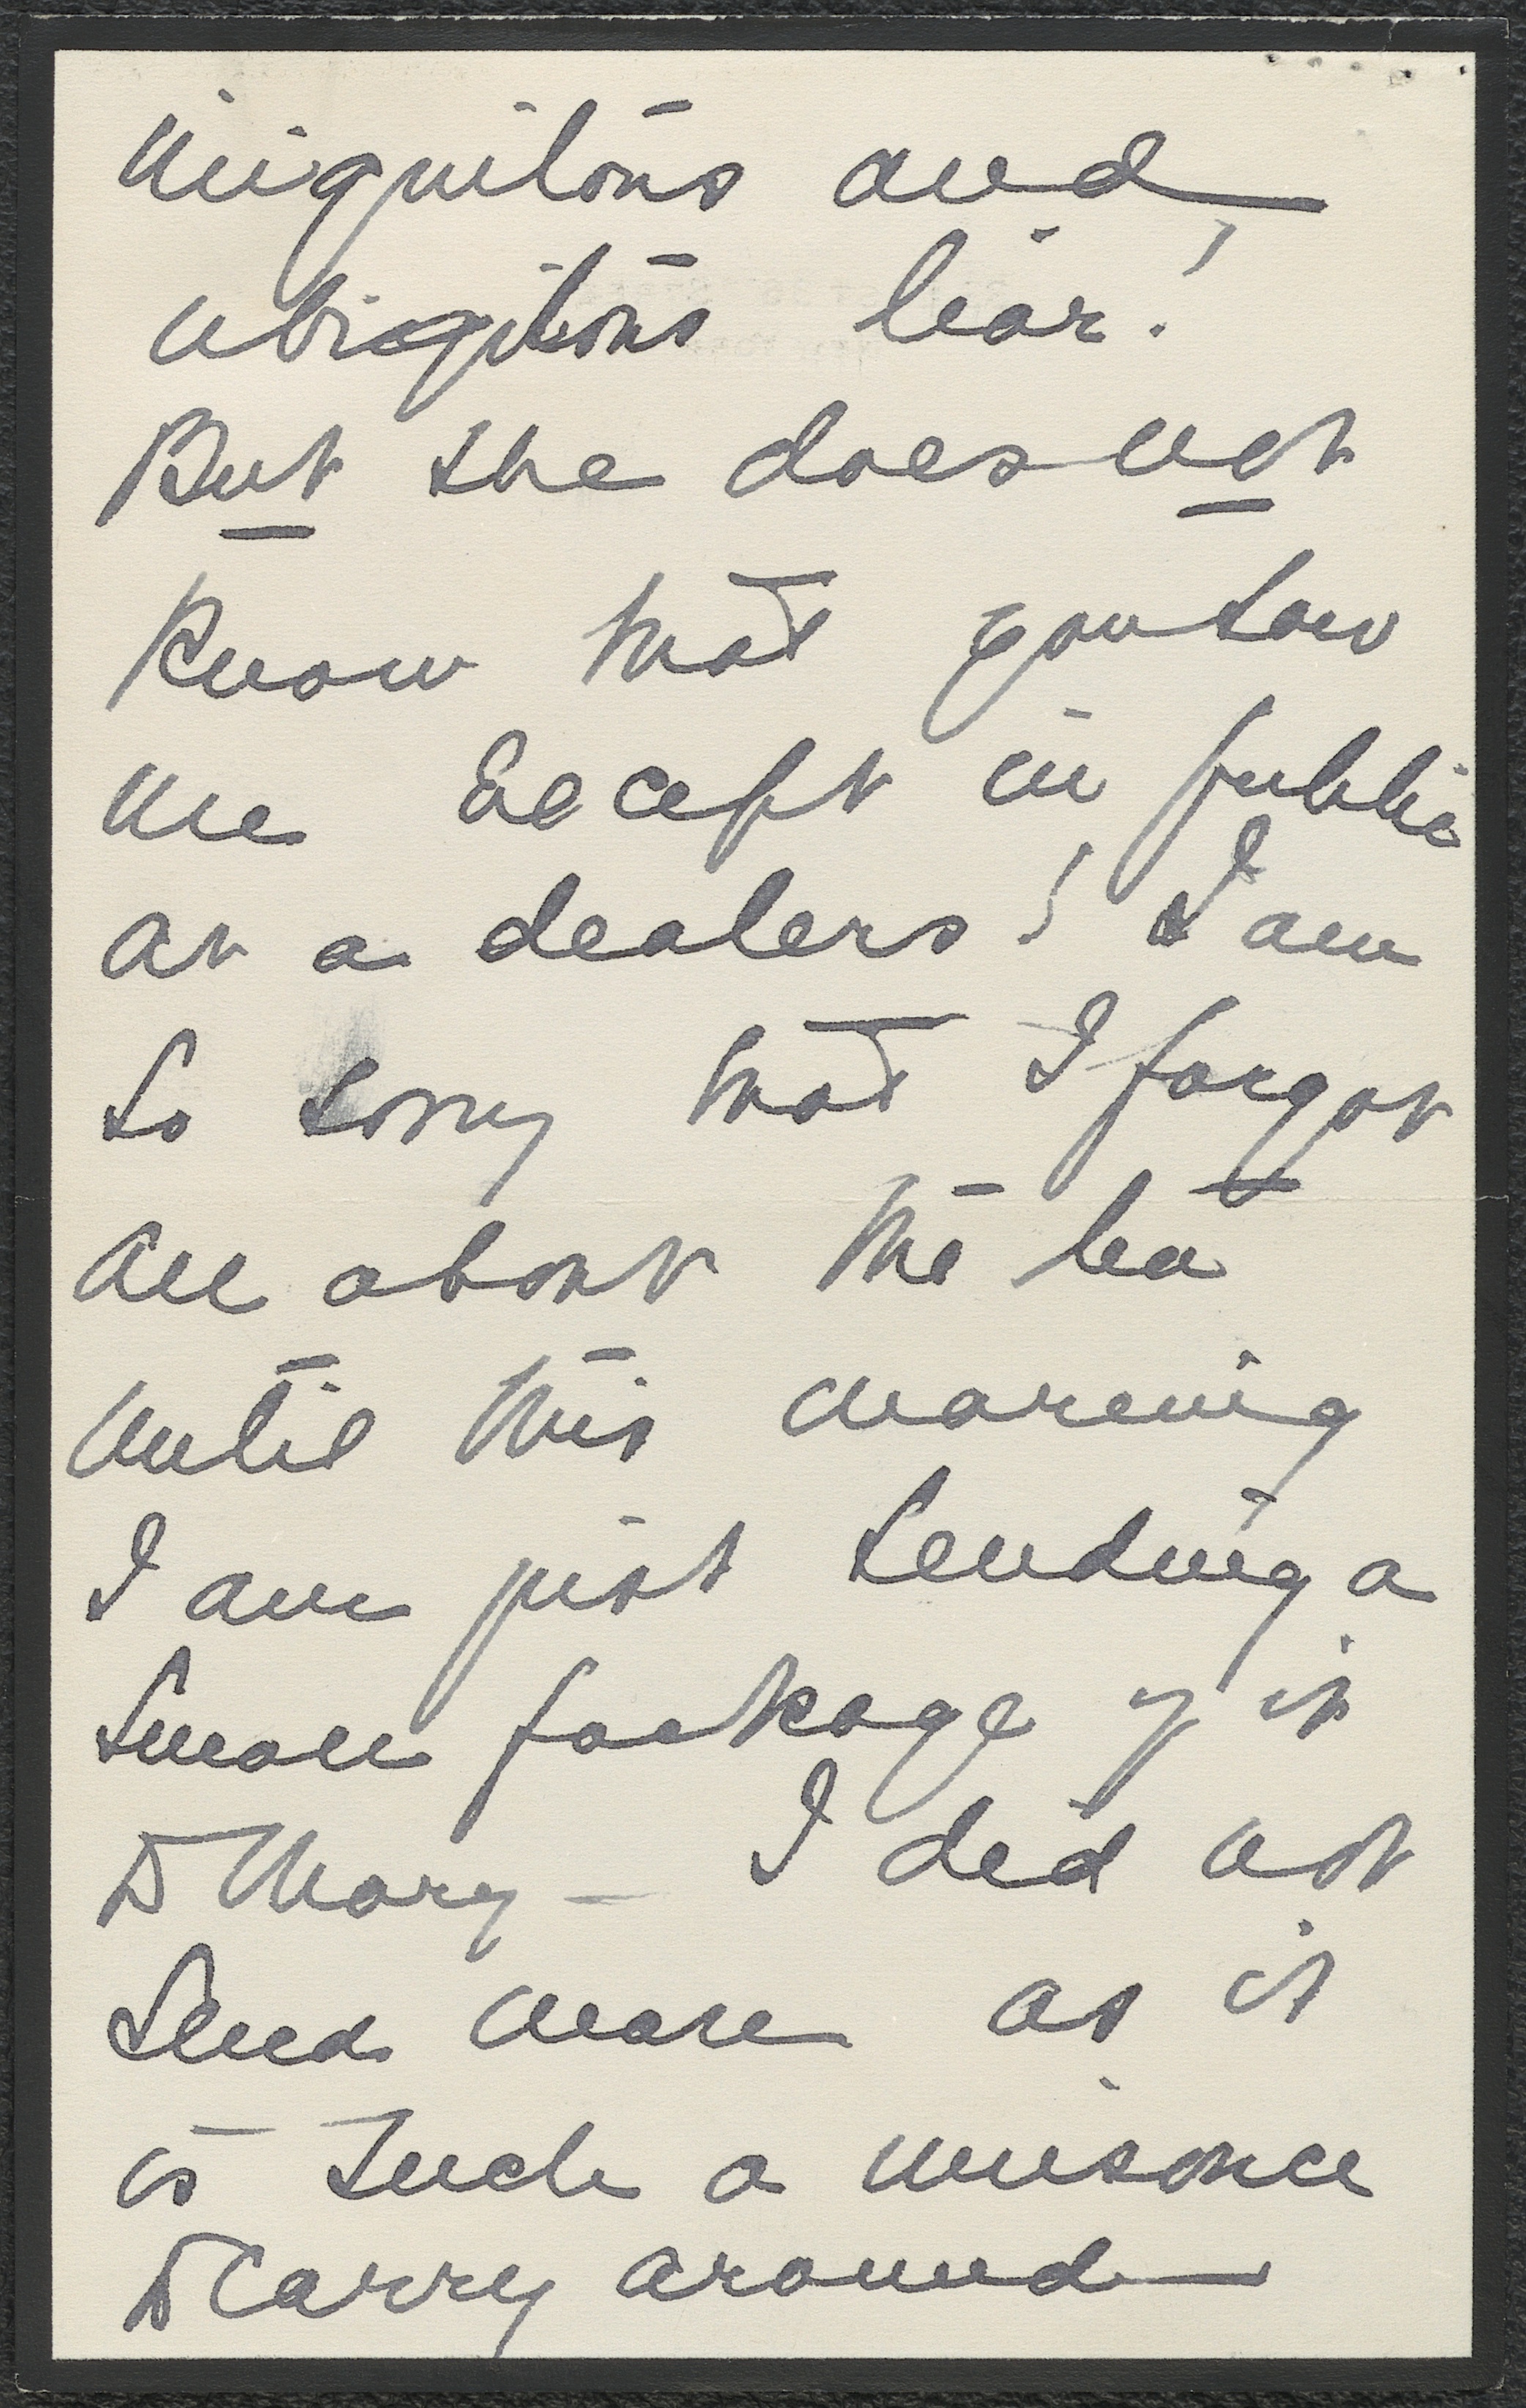iniquitous and ubiquitous liar! But she does not know that you saw me except in public at a dealers! I am so sorry that I forgot all about the tea until this morning I am just sending a small package of it to Mary – I did not send more as it is such a nuisance to carry around –